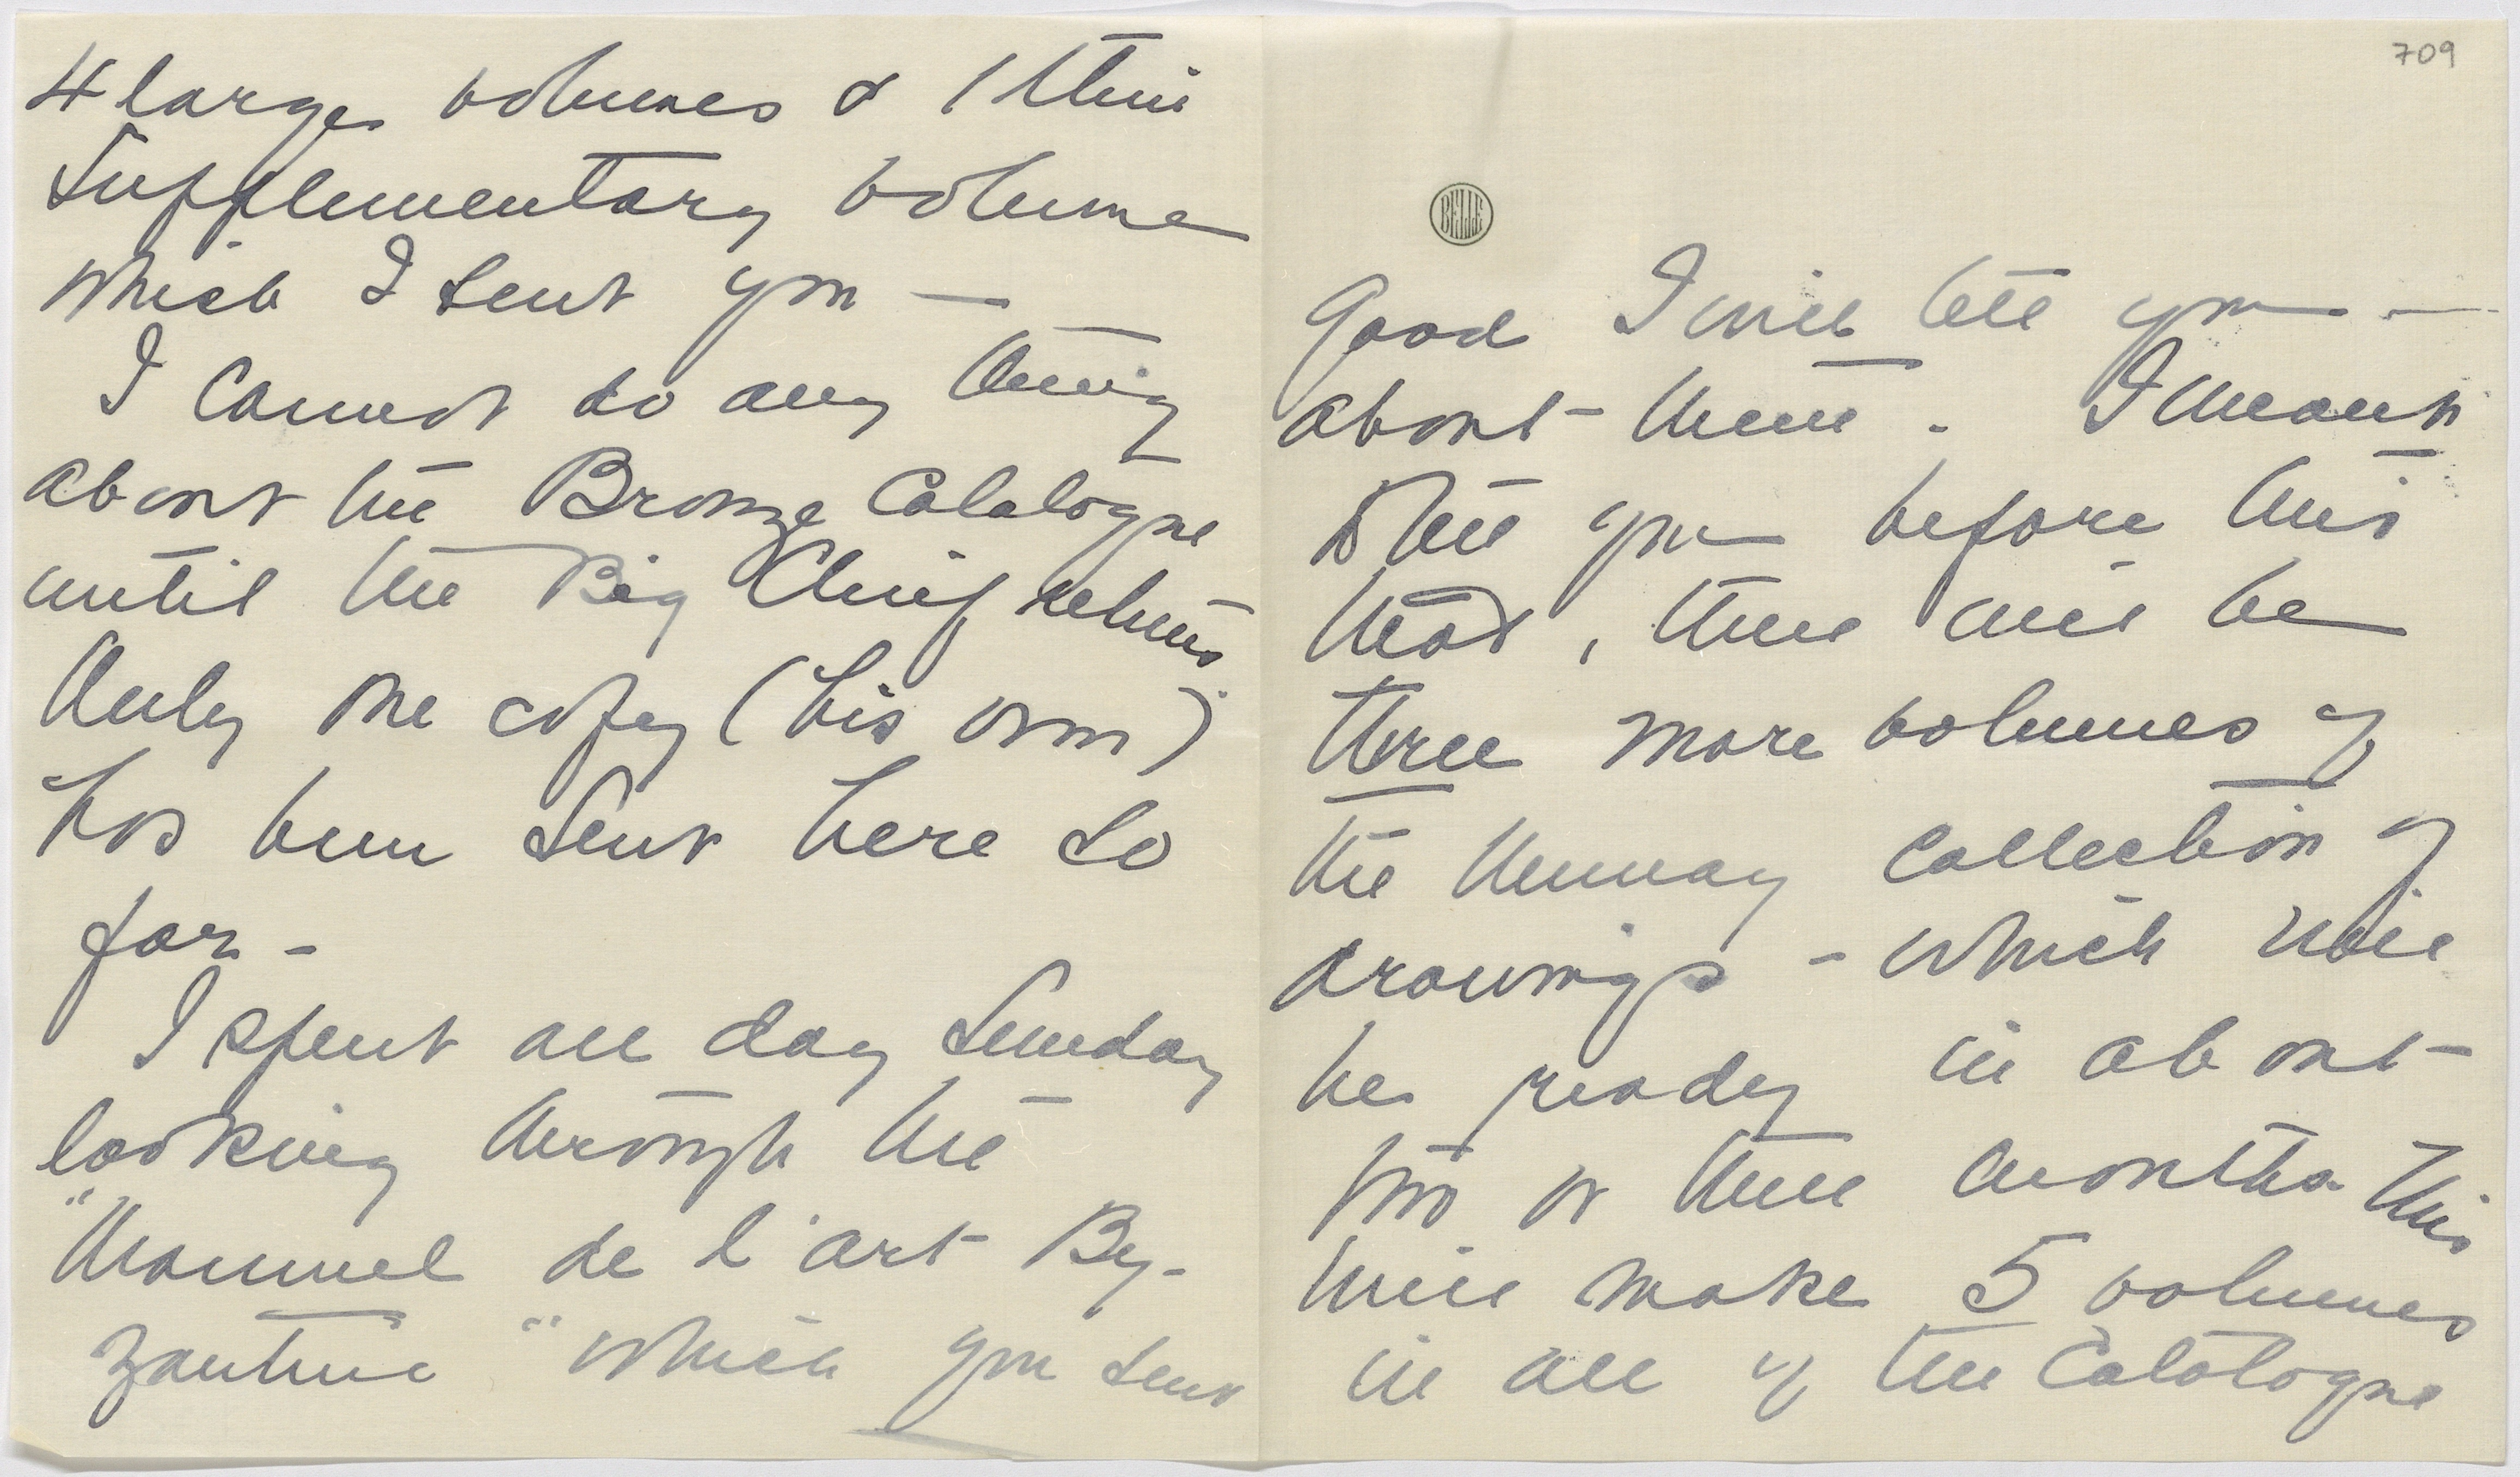good I will tell you – about them. I want to tell you before this that, there will be three more volumes of the Murray collection of drawings – which will be ready in about two or three months. This will make 5 volumes in all of the catalogue
4 large volumes & 1 thin supplementary volume which I sent you –
I cannot do any thing about the Bronze Catalogue until the Big Chief returns. Only one copy (his own) has been sent here so far –
I spent all day Sunday looking through the “Manuel de l’art Byzantine” which you sent